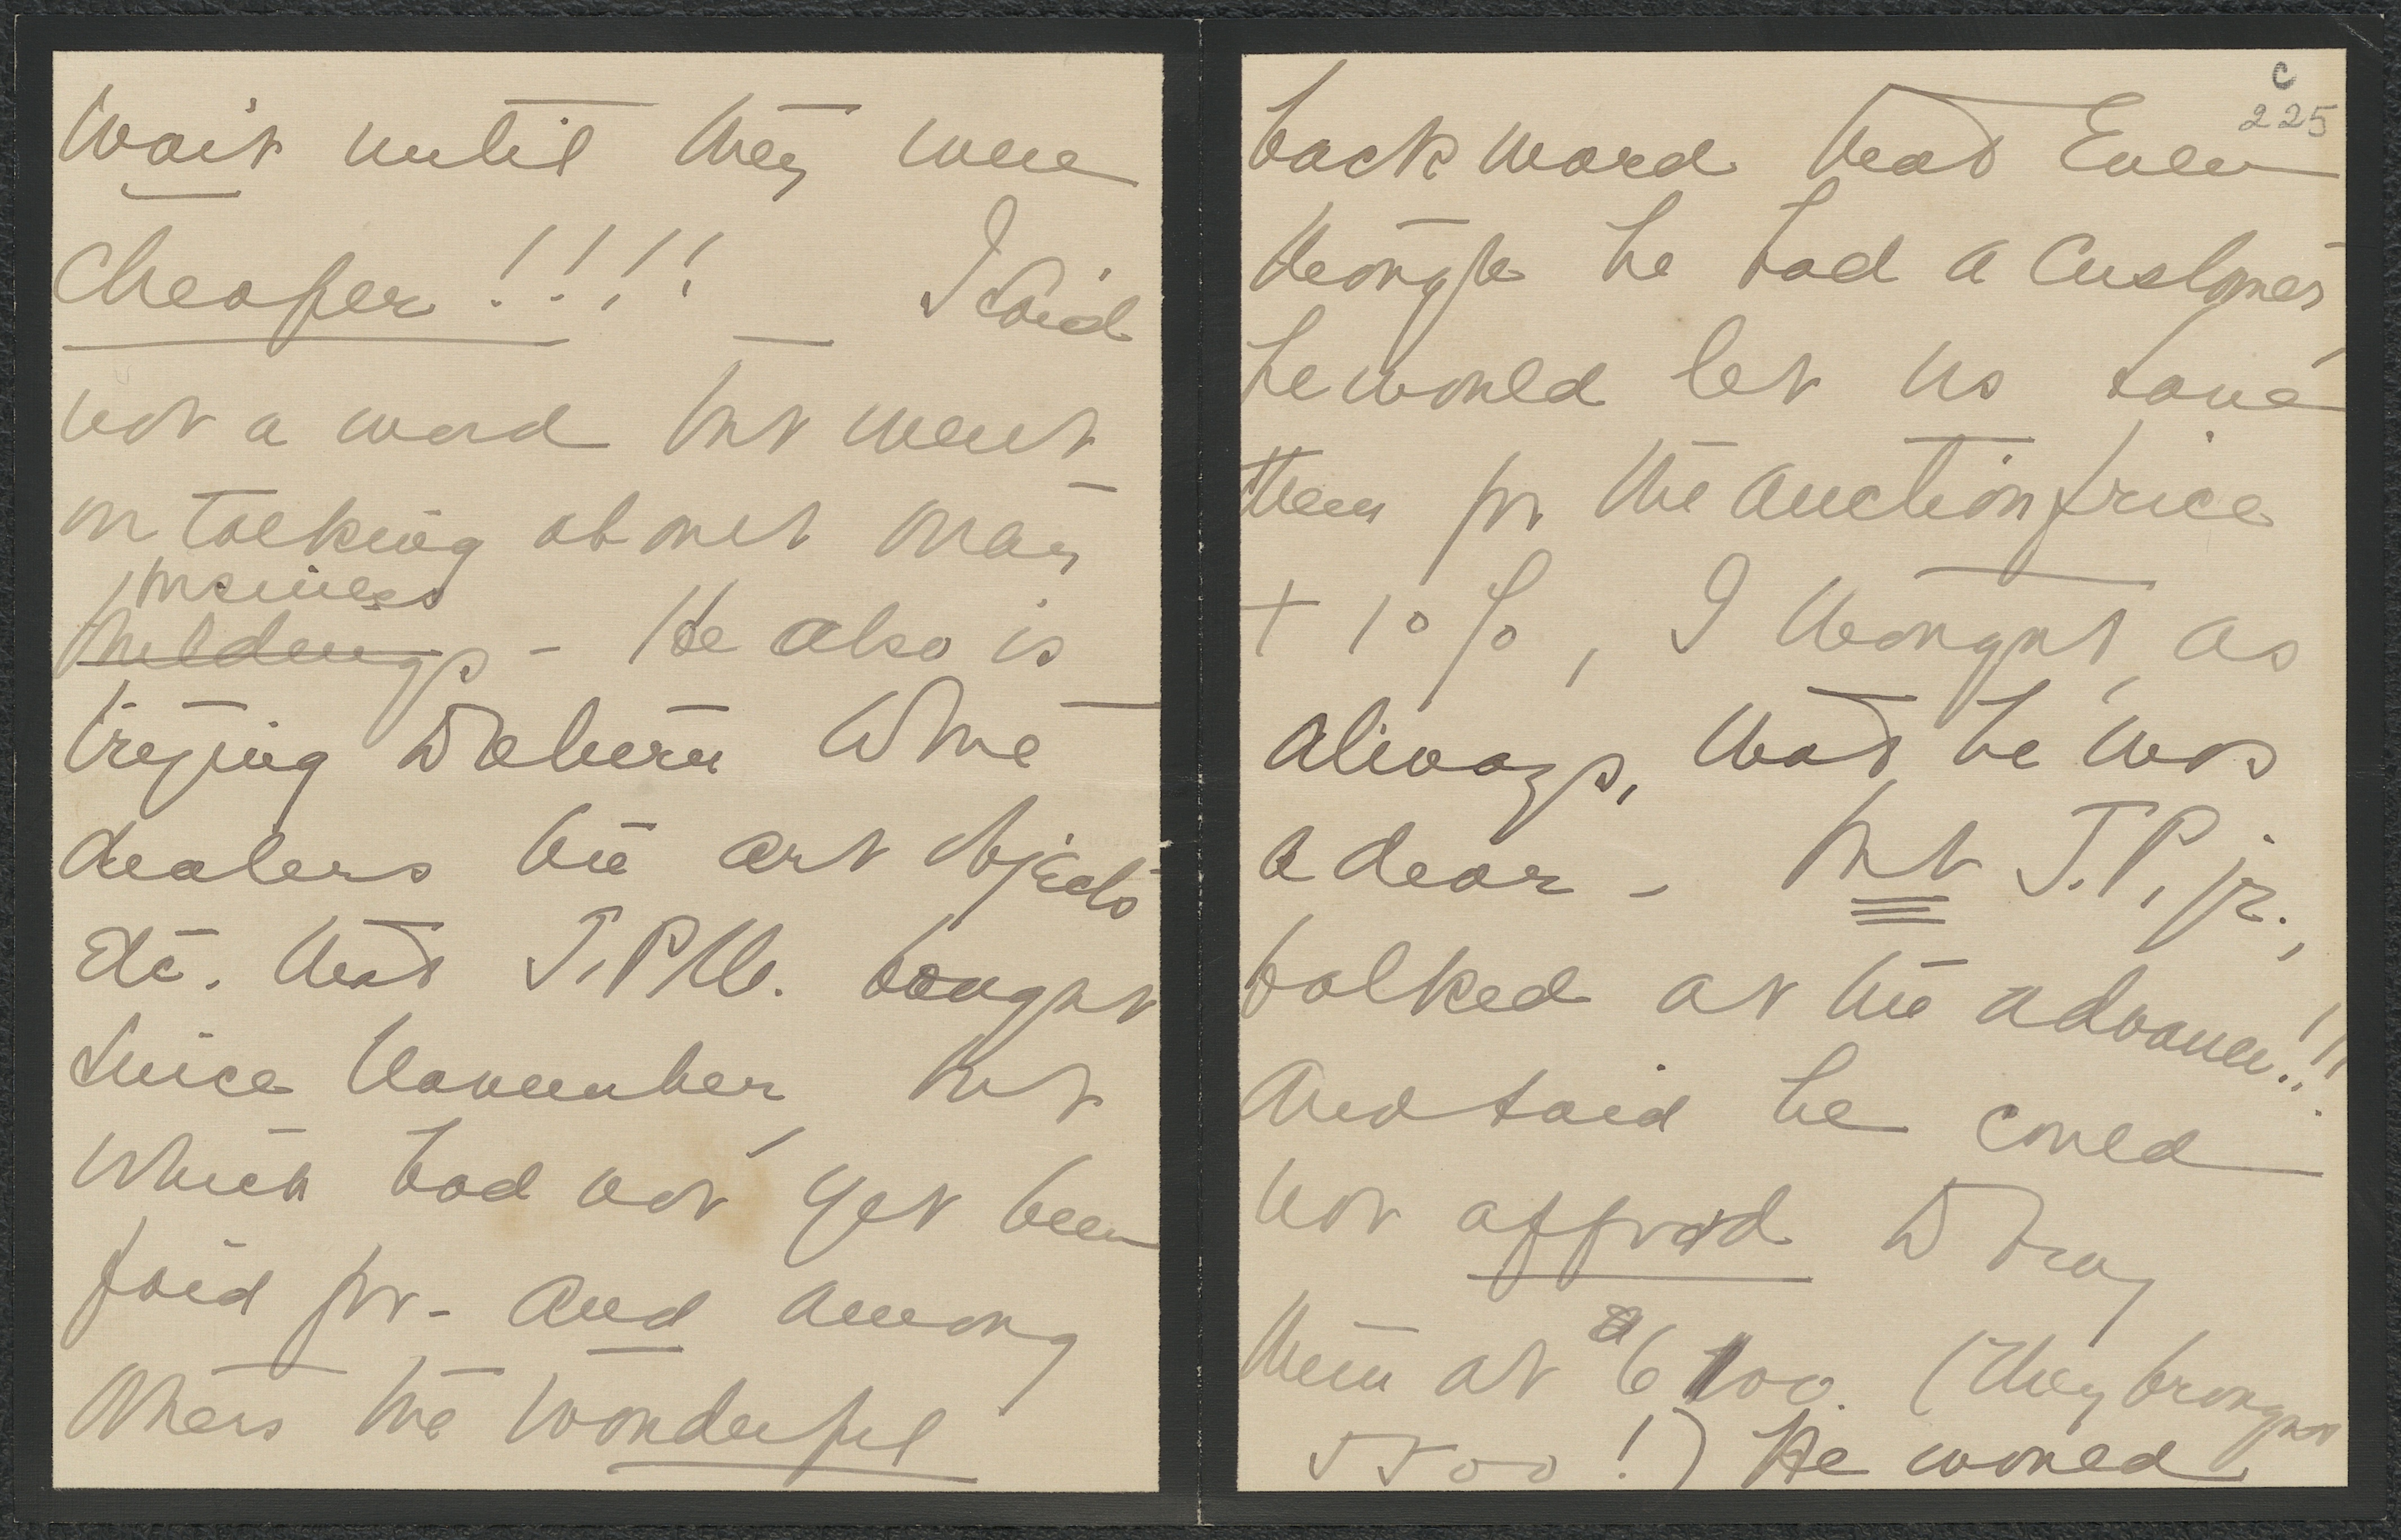backward that even though he had a customer he would let us have them for the auction price + 1%, I thought, as always, that he was a dear – [triple underlined: but] J. P. jr., balked at the advance!!! and said he could not afford to buy them at $6100. (they brought 5500!) He would
wait until they were cheaper!!!! – I said not a word but went on talking about our buildings [^business^] – He also is trying to return to the dealers the art objects etc. that J. P. M. bought since November, but which had not yet been paid for – and among others the wonderful